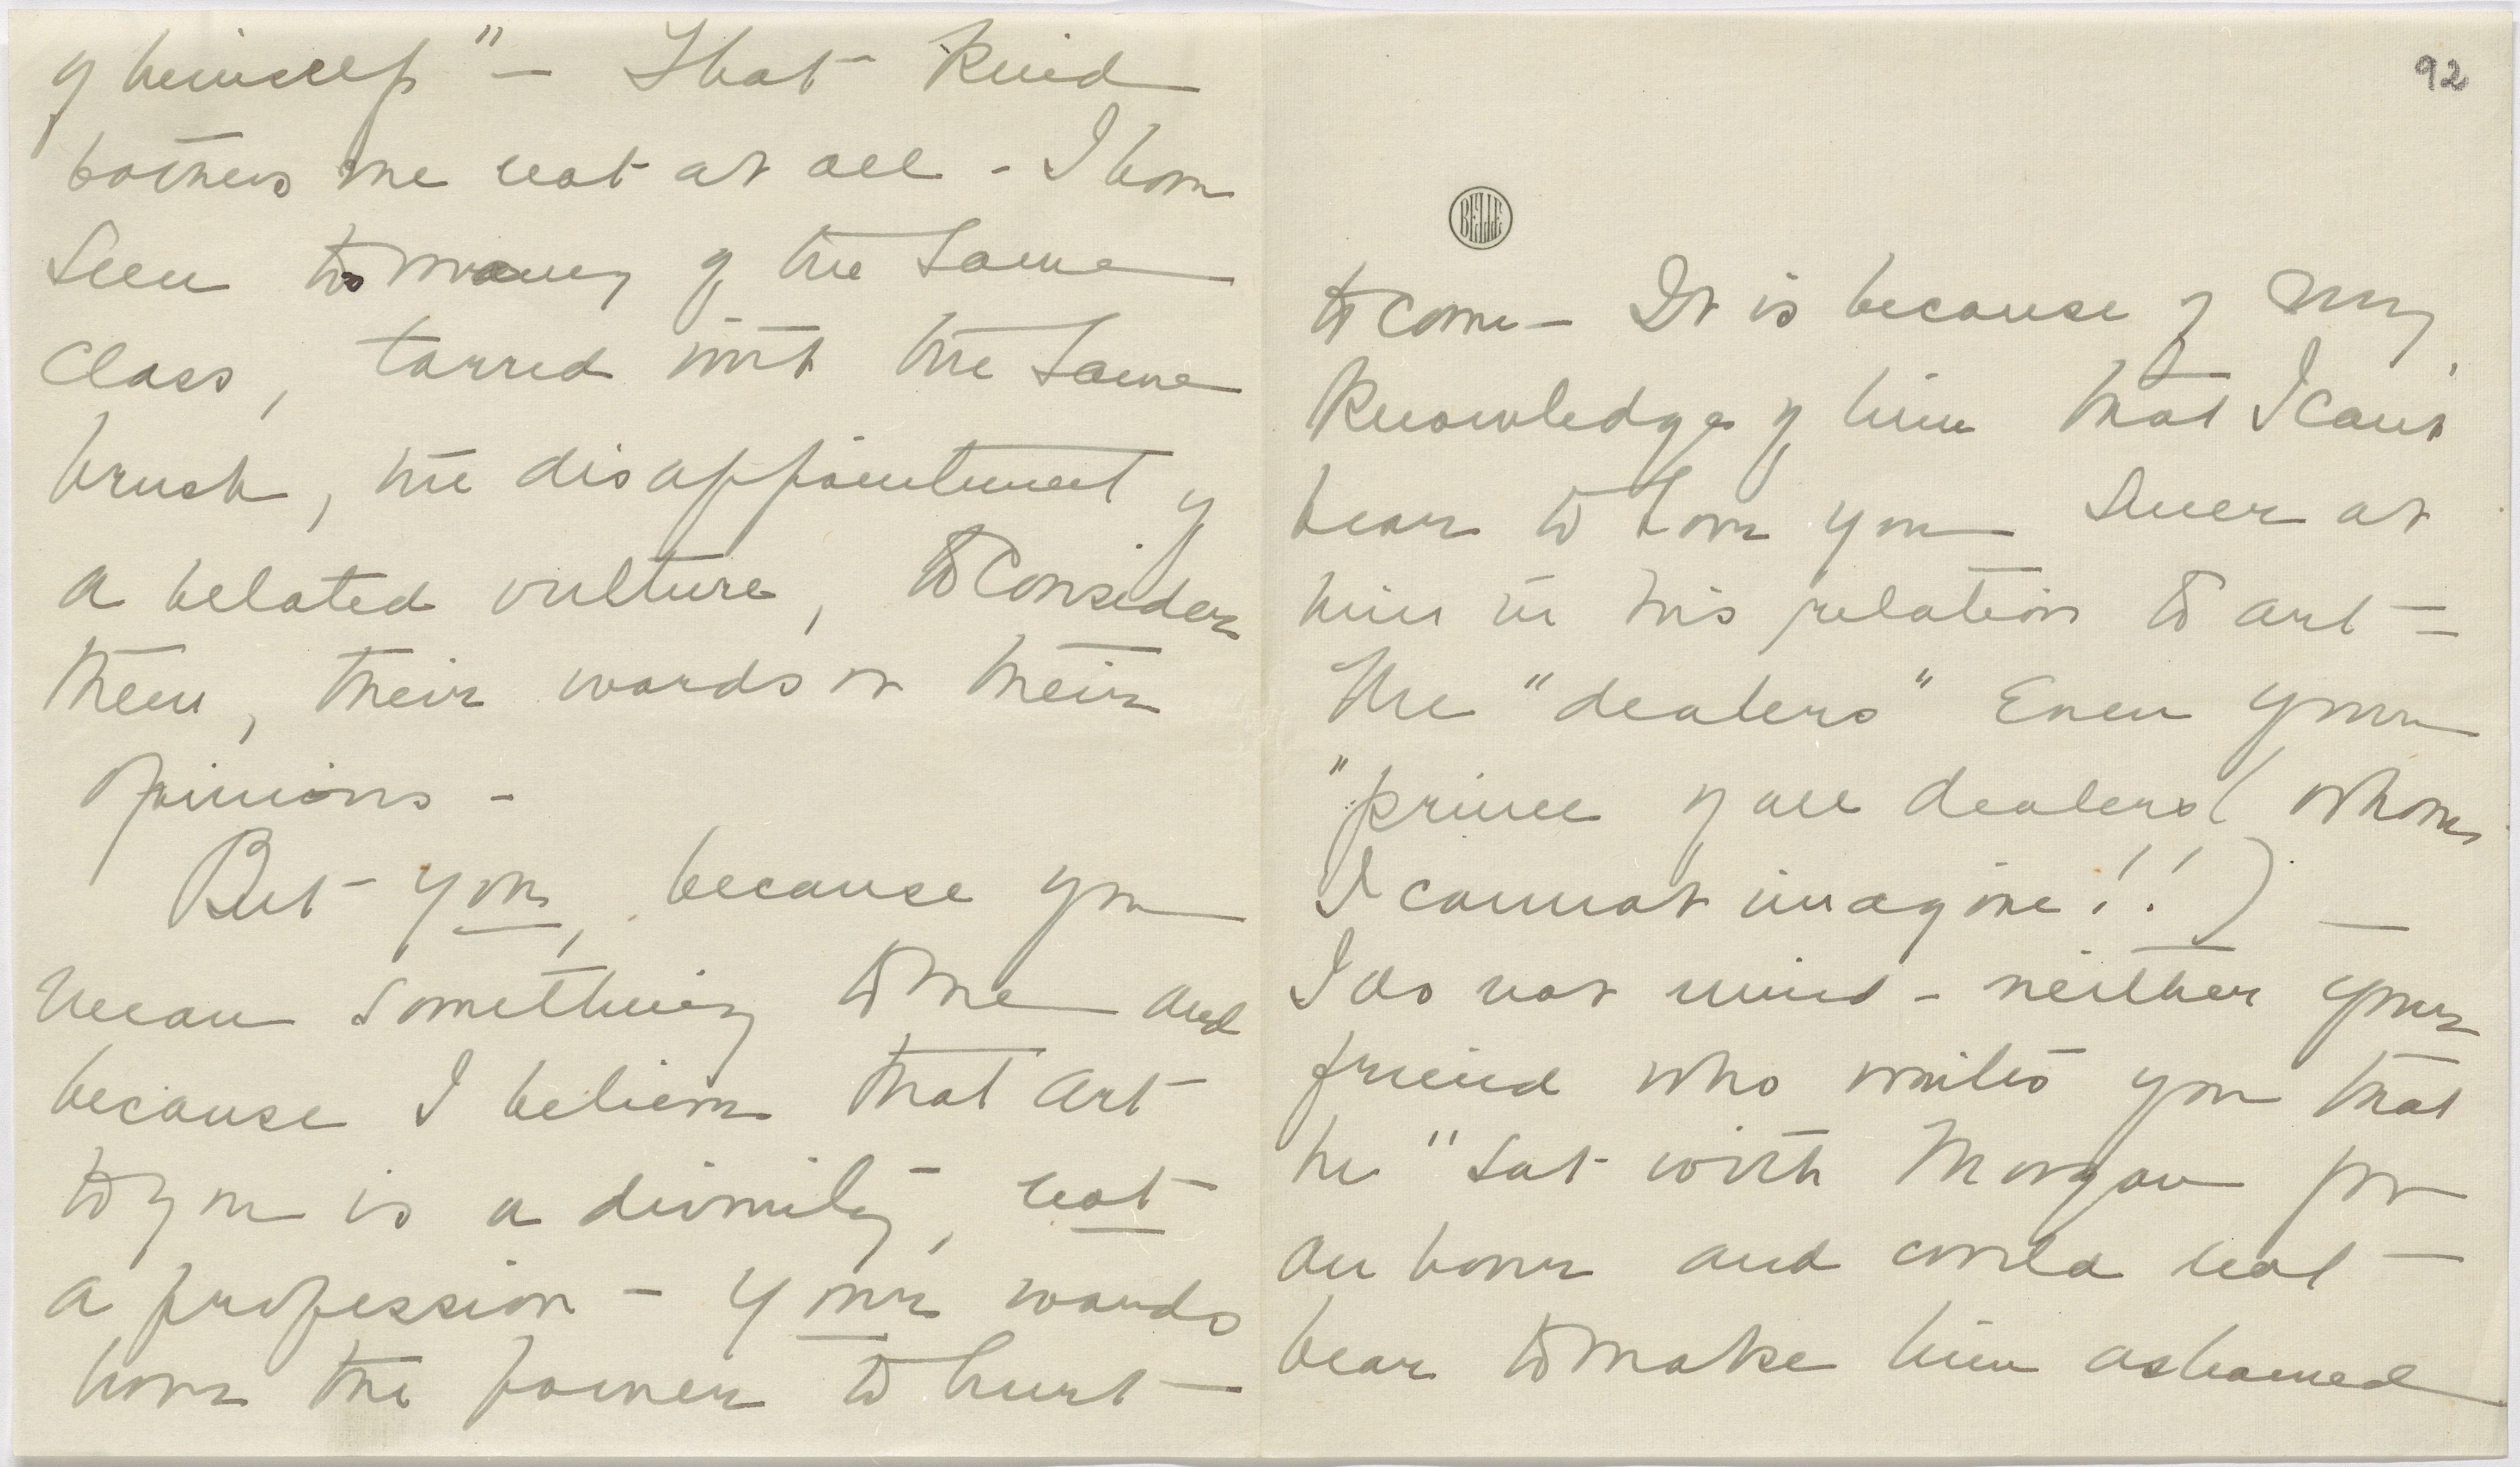to come – It is because of my knowledge of him that I can’t bear to have you sneer at him in his relation to art – The “dealers” even your “prince of all dealers (whom I cannot imagine!!) – I do not mind – neither your friend who writes you that he “sat with Morgan for an hour and could not bear to make him ashamed
of himself” – That kind bothers me not at all – I have seen too many of the same class, tarred with the same brush, the disappointment of a belated vulture, to consider them, their words or their opinions –
But you, because you mean something to me and because I believe that art to you is a divinity, not a profession – your words have the power to hurt